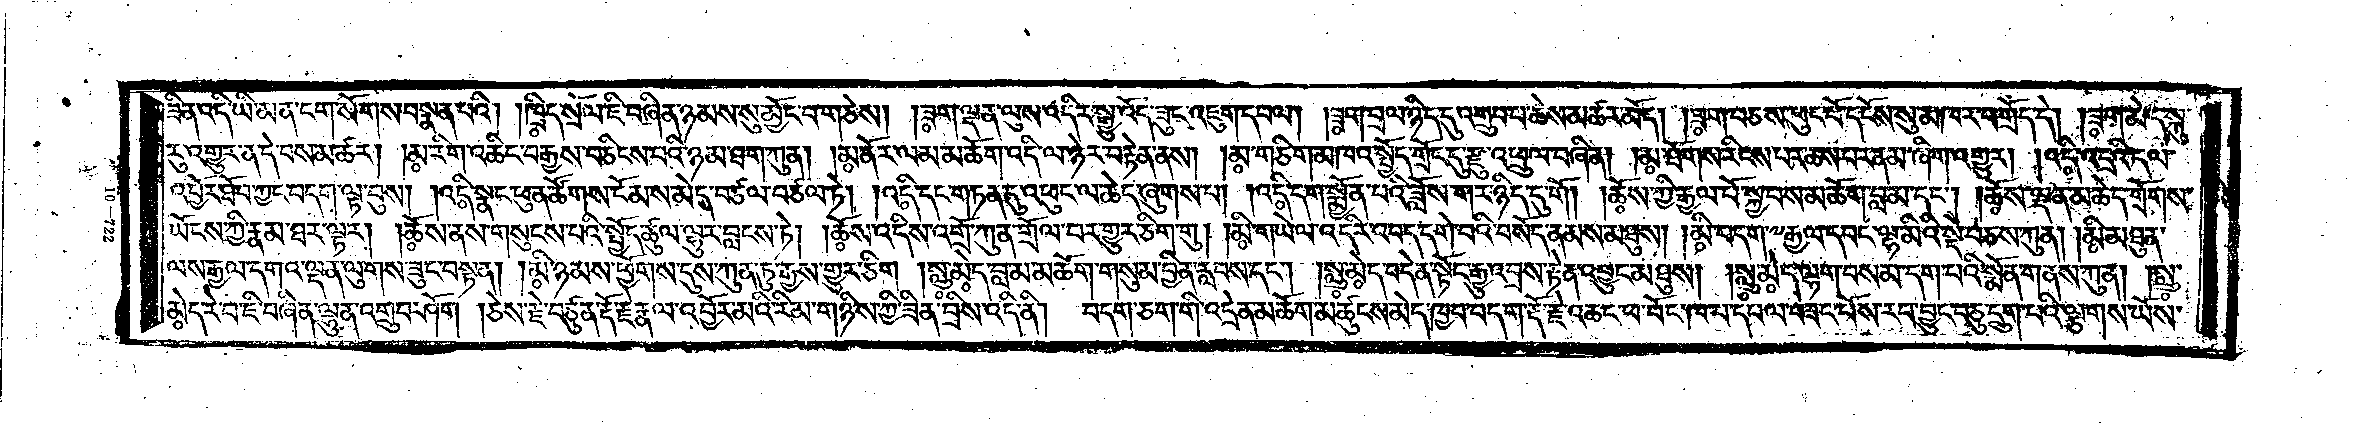ཟིན་འདི་ཡི་མན་ངག་སོགས་བསྣན་པའི། །ཁྲིད྾་སྲོལ་ཇི་བཞིན་ཉམས་སུ་མྱོང་བ་གཅེས། །ཟག྾་ལྡན་ལུས་འདིར་སྒྱུ་འོད་ཟུང་འཇུག་དཔལ། །ཟག྾་བྲལ་ཉིད་དུ་འགྲུབ་པ་ཆེས་མཚར་མོད། །ཟག྾་བཅས་ཕུང་པོ་དངོས་སུ་མཁར་བགྲོད་དེ། །ཟག྾་མེད་སྐུ་
རུ་འགྱུར་ན་དེ་བས་མཚར། །མ྾་རིག་འཆིང་བརྒྱས་བཅིངས་པའི་ཉམ་ཐག་ཀུན། །མ྾་ནོར་ལམ་མཆོག་འདི་ལ་ཉེར་བརྟེན་ནས། །མ྾་གཅིག་མཁའ་སྤྱོད་གྲོང་དུ་རྫུ་འཕྲུལ་བཞིན། །མ྾་ཐོགས་རིངས་པར་ཆས་པར་ནམ་ཞིག་འགྱུར། །འདི྾་འདྲའི་དལ་
འབྱོར་ཐོབ་ཀྱང་བདག་ལྟ་བུས། །འདི྾་སྣང་ཕུན་ཚོགས་ངོམས་མེད་བཙལ་བཙལ་ཏེ། །འདི྾་དང་གཏན་དུ་འཕུང་ལ་ཆེད་ཞུགས་པ། །འདི྾་དག་སྨྱོན་པའི་ཟློས་གར་ཉིད་དུ་གོ། །ཆོས྾་ཀྱི་རྒྱལ་པོ་སྐྱབས་མཆོག་བླ་མ་དང་། །ཆོས྾་ལྡན་མཆེད་གྲོགས་
ཡོངས་ཀྱི་རྣམ་ཐར་ལྟར། །ཆོས྾་ནས་གསུངས་པའི་སྤྱོད་ཚུལ་ལྷུར་བླངས་ཏེ། །ཆོས྾་ཀྱིས་ཉིན་མཚན་འདའ་བར་གྱུར་ཅིག་གུ། །མི྾་གཡེལ་འདིར་འབད་དགེ་བའི་བསོད་ནམས་མཐུས། །མི྾་བདག་༧རྒྱལ་དབང་ལྷ་མིའི་སྡེ་བཅས་ཀུན། །མི྾་མཐུན་
ལས་རྒྱལ་དགའ་ལྡན་ལུགས་ཟུང་བསྟན། །མི྾་ཉམས་ཕྱོགས་དུས་ཀུན་ཏུ་རྒྱས་གྱུར་ཅིག །སླུ་མེད྾་བླ་མ་མཆོག་གསུམ་བྱིན་རླབས་དང་། །སླུ་མེད྾་བདེན་སྟོང་རྒྱུ་འབྲས་རྟེན་འབྱུང་མཐུས། །སླུ྾་མེད྾}་ལྷག་བསམ་དག་པའི་སྨོན་གནས་ཀུན། །སླུ྾་
མེད྾་རེ་བ་ཇི་བཞིན་ལྷུན་འགྲུབ་ཤོག །ཅེས་རྗེ་བཙུན་རྡོ་རྗེ་རྣལ་འབྱོར་མའི་རིམ་གཉིས་ཀྱི་ཟིན་བྲིས་འདི་ནི། བདག་ཅག་གི་འདྲེན་མཆོག་མཚུངས་མེད་ཁྱབ་བདག་རྡོ་རྗེ་འཆང་ཕ་བོང་ཁ་པ་དཔལ་བཟང་པོས་རབ་བྱུང་བཅུ་དྲུག་པའི་ལྕགས་ཡོས་